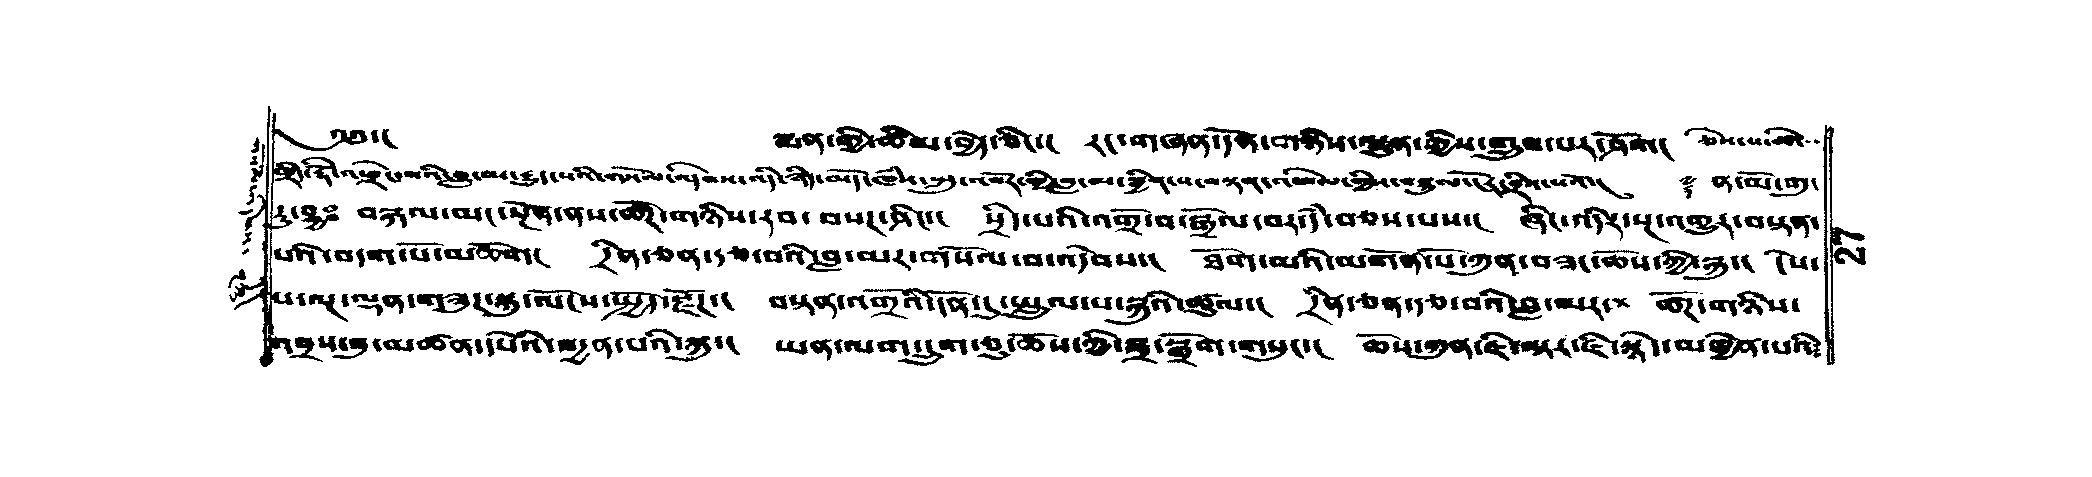སྨན་གྱི་ཚིམ་བྱེད་ཅིང་། །རང་གཞན་དོན་གཉིས་ལྷུན་གྱིས་གྲུབ་པར་ཤོག ཅེས་པ་ཚེ་
ཁྲིད་རྡོ་རྗེ་འཕྲེང་བའི་བླ་མ་བརྒྱུད་པའི་གསོལ་འདེབས་འདི་ཉིད་མདོ་ཁམས་སྤུ་འབོར་གྱི་བླ་མ་སྦྱིན་པ་བསྟན་འཕེལ་གྱིས་བསྐུལ་ངོར་བྲིས་པའོ།། ༈ ན་མོ་གུ་
རུ་བྷྱཿ བསྐལ་མང་སྔོན་ནས་ཚོགས་གཉིས་རབ་བསགས་ཤིང་། །སྲིད་པའི་འགྲོ་བ་སྒྲོལ་བར་དམ་བཅས་པས། །ཞིང་འདིར་སྔ་འགྱུར་བསྟན་
པའི་བདག་པོ་མཆོག །དྲིན་ཅན་རྩ་བའི་བླ་མར་གསོལ་བ་འདེབས། །ཐོག་མའི་མགོན་པོ་ཀུན་བཟང་ཆོས་ཀྱི་སྐུ། །ངེས་
པ་ལྔ་ལྡན་གཟུགས་སྐུ་ལོངས་སྤྱོད་རྫོགས། །བསྟན་འགྲོའི་དོན་དུ་སྤྲུལ་པ་སྐུའི་ཚུལ། །དྲིན་ཅན་རྩ་བའི་བླ་མར༴ །ཚོགས་གཉིས་
འབྲས་བུ་མཚན་དཔེས་བརྒྱན་པའི་སྐུ། །ཡན་ལག་དྲུག་ཅུ་ཆོས་ཀྱི་སྒྲ་སྒྲོག་གསུང་། །ཆོས་ཀུན་ཇི་ལྟ་ཇི་སྙེད་མཁྱེན་པའི་